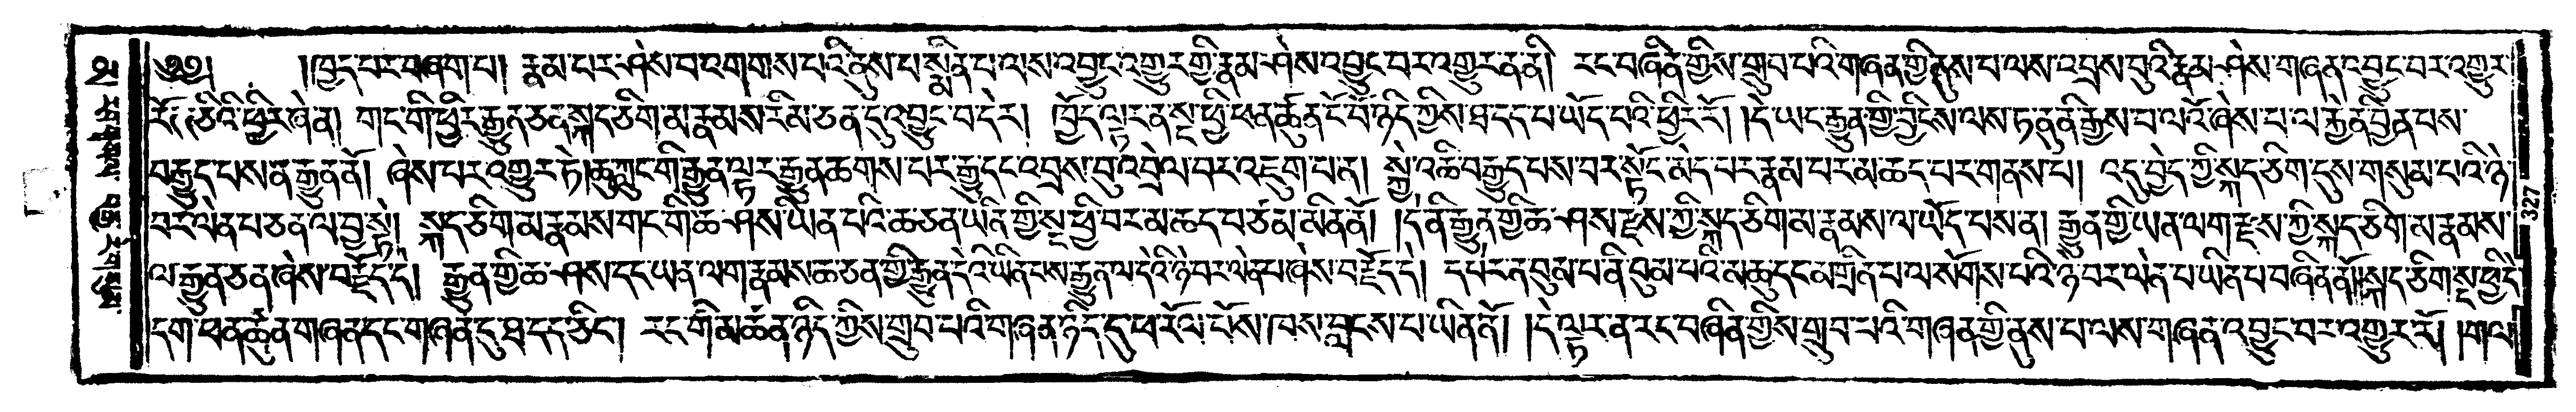༄༅། །ཁྱད་པར་བཞག་པ། རྣམ་པར་ཤེས་པ་འགགས་པའི་ནུས་པ་སྨིན་པ་ལས་འབྱུང་འགྱུར་གྱི་རྣམ་ཤེས་འབྱུང་བར་འགྱུར་ན་ནི། རང་བཞིན་གྱིས་གྲུབ་པའི་གཞན་གྱི་ནུས་པ་ལས་འབྲས་བུའི་རྣམ་ཤེས་གཞན་འབྱུང་བར་འགྱུར་
རོ༑ ༑ཅིའི་ཕྱིར་ཞེ་ན། གང་གི་ཕྱིར་རྒྱུན་ཅན་སྐད་ཅིག་མ་རྣམས་རིམ་ཅན་དུ་འབྱུང་བ་དེར། ཁྱོད་ལྟར་ན་སྔ་ཕྱི་ཕན་ཚུན་ངོ་བོ་ཉིད་ཀྱིས་ཐ་དད་པ་ཡོད་པའི་ཕྱིར་རོ། །དེ་ཡང་རྒྱུན་གྱི་བྱིངས་ལས་ཏ་ནུ་ནི་རྒྱས་པ་ལའོ་ཞེས་པ་ལ་རྐྱེན་བྱིན་པས་
བརྒྱུད་པས་ན་རྒྱུན་ནོ། ཞེས་པར་འགྱུར་ཏེ། ཆུ་ཀླུང་གི་རྒྱུན་ལྟར་རྒྱུན་ཆགས་པར་རྒྱུ་དང་འབྲས་བུ་འབྲེལ་བར་འཇུག་པ་ན། སྐྱེ་འཆི་བརྒྱུད་པས་བར་སྟོང་མེད་པར་རྣམ་པར་མ་ཆད་པར་གནས་པ། འདུ་བྱེད་ཀྱི་སྐད་ཅིག་དུས་གསུམ་པའི་ཉེ་
བར་ལེན་པ་ཅན་ལ་བྱ་སྟེ། སྐད་ཅིག་མ་རྣམས་གང་གི་ཆ་ཤས་ཡིན་པའི་ཆ་ཅན་ཡིན་གྱི་སྔ་ཕྱི་བར་མ་ཆད་པ་ཙམ་མིན་ནོ། །དེ་ནི་རྒྱུན་གྱི་ཆ་ཤས་རྫས་ཀྱི་སྐད་ཅིག་མ་རྣམས་ལ་ཡོད་པས་ན། རྒྱུན་གྱི་ཡན་ལག་རྫས་ཀྱི་སྐད་ཅིག་མ་རྣམས་
ལ་རྒྱུན་ཅན་ཞེས་བརྗོད་དེ། རྒྱུན་གྱི་ཆ་ཤས་དང་ཡན་ལག་རྣམས་ཆ་ཅན་གྱི་རྒྱུན་དེའི་ཡིན་པས་རྒྱུན་ལ་དེའི་ཉེ་བར་ལེན་པ་ཞེས་བརྗོད་དེ། དཔེར་ན་བུམ་པ་ནི་བུམ་པའི་མཆུ་དང་མགྲིན་པ་ལ་སོགས་པའི་ཉེ་བར་ལེན་པ་ཡིན་པ་བཞིན་ནོ། །སྐད་ཅིག་སྔ་ཕྱི་དེ་
དག་ཕན་ཚུན་གཞན་དང་གཞན་དུ་ཐ་དད་ཅིང་། རང་གི་མཚན་ཉིད་ཀྱིས་གྲུབ་པའི་གཞན་ཉིད་དུ་ཕ་རོལ་པོས་ཁས་བླངས་པ་ཡིན་ནོ། །དེ་ལྟར་ན་རང་བཞིན་གྱིས་གྲུབ་པའི་གཞན་གྱི་ནུས་པ་ལས་གཞན་འབྱུང་བར་འགྱུར་རོ། །གལ་